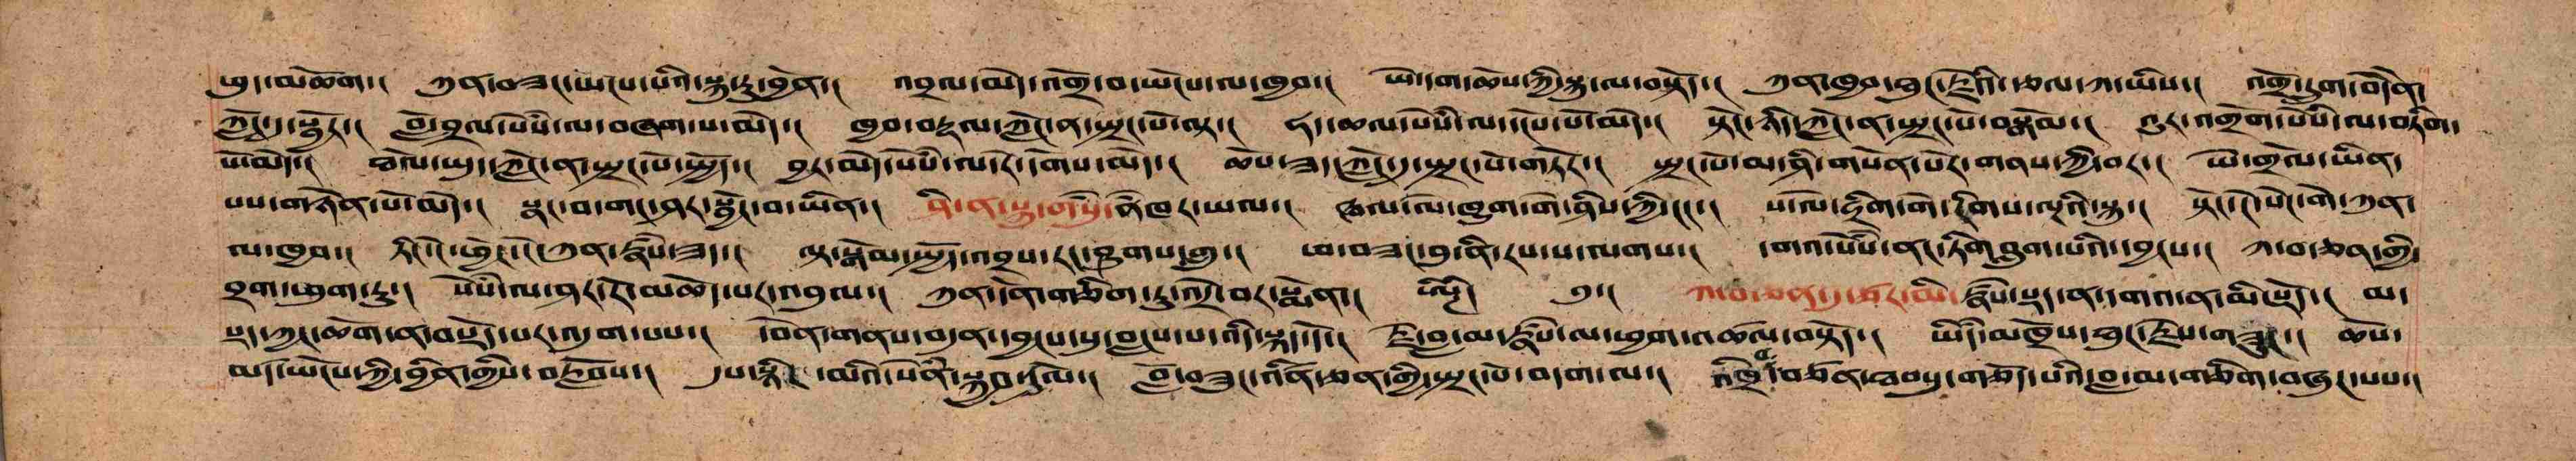ཕུད་མཆོག། ཀུན་བཟང་ཡངས་པའི་སྐུ་རུ་བྱོན།། འབྲལ་མེད་འགྲོ་བ་ཡོངས་ལ་ཁྱབ།། ཡེ་དག་ཆོས་ཀྱི་སྐུ་ལ་བསྟོད།། ཀུན་ཁྱབ་ཐུགས་རྗེའི་རྩལ་ཀ་ཡིས།། འགྲོ་དྲུག་བདེ་ཆེན་
ཀློང་དུ་སྦྱོར།། བློ་བྲལ་སེམས་ལ་བཞག་པ་མེད།། ཁྱབ་བརྡལ་ཀློང་ན་སྤྲང་པོ་ལྟ།། ཧ་ཆལ་སེམས་ལ་དངོས་པོ་མེད།། སྟོང་ཉིད་ཀློང་ན་སྤྲང་པོ་བསྒོམ།། འུར་འགྲོག་སེམས་ལ་བཏིག་
པོ་མེད།། ཐོལ་ཡུད་ཀློང་ན་སྤྲང་པོ་སྤྱོད།། བྱར་མེད་སེམས་ལ་རེ་དོགས་མེད།། ཆོས་ཟད་ཀློང་དུ་སྤྲང་པོ་གཏོར།། སྤྲང་པོ་མ་ཤི་གསོན་པོར་གནས་ཀྱི་བར།། ཡེ་གྲོལ་ཡིན་
པས་གཉེན་པོ་མེད།། སྣང་བ་གང་ཤར་སྦྱོང་བ་ཡིན།། ཤི་ན་སྐུ་གསུམ་ནམ་མཁར་ཡལ།། ཝལ་ལེ་ཁྱུག་གེ་ཤིས་ཀྱི་ངང་།། ས་ལེ་ཧྲིག་གེ་རིགས་ལྔའི་སྐུ།། སྟོང་ངེ་སང་ངེ་ཀུན་
ལ་ཁྱབ།། ཏིང་ངེ་ཕྱོང་ངེ་ཀུན་རྣམས་ཟད།། ལྟ་སྒོམ་སྤྱོད་འབྲས་རང་ཤུགས་གླུ།། ཕ་བཟང་བུ་ནི་རས་པ་ལགས།། དགའ་སེམས་ནང་ཏིག་བླུག་པའི་དབྱངས།། ཀ་བ་ཅན་གྱི་
བྲག་ཏུ།། སེམས་ལ་ཤར་རོ་མཆོད་པར་འབུལ།། ཀུན་དོན་གཅིག་ཏུ་འདྲེ་བར་སྨོན།། ཨིཊི།། ༄་། ཀ་བ་ཅན་དུ་ཙར་མི་རྣམས་སྡད་ན་དགའ་ན་མི་སྡོད།། མ་
བསྡད་ཀྱང་ཆོག་ན་བསྡོད་པར་འདུག་པས།། དབེན་གནས་བདུན་དབྱངས་སུ་བླངས་པ་འདི་སྐད་དོ།། རྗེ་བླ་མ་རྣམས་ལ་ཕྱག་འཚལ་བསྟོད།། ཡིད་དམ་མཁའ་འགྲོས་ཐུགས་རྗེས་གཟུངས།། ཆོས་
མཛད་ཡོངས་ཀྱི་བྱིན་གྱིས་བརློབས།། དུས་སྙིགས་མའི་སེམས་ཅན་སྐྱབ་ཏུ་གསོལ།། བློ་གཟུང་འཛིན་ཅན་གྱི་སྤྲང་པོ་བདག་ལ།། འཁྲི་བ་བཙན་ཐབས་སུ་གཅོད་པའི་བླ་མ་གཅིག་བཞུགས་པས།།